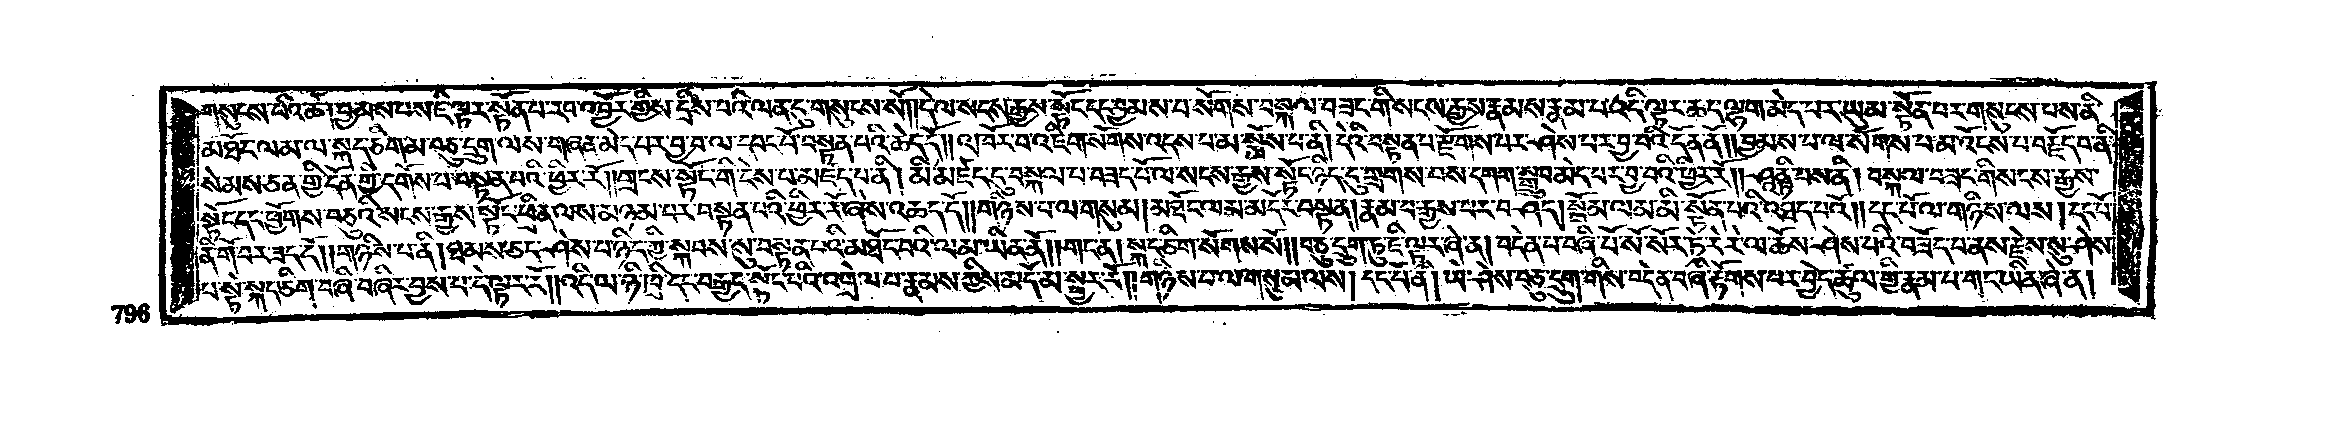གསུངས་པའི་ཚེ། བྱམས་པས་ཇི་ལྟར་སྟོན་པ་རབ་འབྱོར་གྱིས་དྲིས་པའི་ལན་དུ་གསུངས་སོ། །དེ་ལ་སངས་རྒྱས་སྟོང་དང་བྱམས་པ་སོགས་བསྐལ་བཟང་གི་སངས་རྒྱས་རྣམས་རྣམ་པ་འདི་ལྟར་ཆད་ལྷག་མེད་པར་ཡུམ་སྟོན་པར་གསུངས་པས་ནི་
མཐོང་ལམ་ལ་སྐད་ཅིག་མ་བཅུ་དྲུག་ལས་གཞན་མེད་པར་བྱ་བ་ལ་དབང་པོ་བསྟན་པའི་ཆེད་དོ། །འཁོར་བ་འཇིག་སོགས་འདས་པ་མ་སྨོས་པ་ནི། དེའི་བསྟན་པ་རྫོགས་པར་ཤེས་པར་བྱ་བའི་དོན་ནོ། །བྱམས་པ་ལ་སོགས་པ་མ་འོངས་པ་བརྗོད་པ་ནི་
སེམས་ཅན་གྱི་དོན་གྱི་དགོས་པ་བསྟན་པའི་ཕྱིར་རོ། །གྲངས་སྟོང་གི་ངེས་པ་མཛད་པ་ནི། མི་མཇེད་དུ་བསྐལ་པ་བཟང་པོ་ལ་སངས་རྒྱས་སྟོང་ཉིད་དུ་གྲགས་པས་དགག་སྒྲུབ་མེད་པར་བྱ་བའི་ཕྱིར་རོ། །ཤཱནྟི་པས་ནི། བསྐལ་བཟང་གི་སངས་རྒྱས་
སྟོང་དང་ཕྱོགས་བཅུའི་སངས་རྒྱས་སྟོང་ཕྲིན་ལས་མཉམ་པར་བསྟན་པའི་ཕྱིར་རོ་ཞེས་འཆད་དོ། །གཉིས་པ་ལ་གསུམ། མཐོང་ལམ་མདོར་བསྟན། རྣམ་པ་རྒྱས་པར་བཤད། སྒོམ་ལམ་མི་སྟོན་པའི་འཐད་པའོ། །དང་པོ་ལ་གཉིས་ལས། དང་པོ་
ནི་གོ་བར་ཟད་དོ། །གཉིས་པ་ནི། ཐམས་ཅད་ཤེས་པ་ཉིད་ཀྱི་སྐབས་སུ་བསྟན་པའི་མཐོང་བའི་ལམ་ཡིན་ནོ། །གང་ན། སྐད་ཅིག་སོགས་སོ། །བཅུ་དྲུག་ཏུ་ཇི་ལྟར་ཞེ་ན། བདེན་པ་བཞི་པོ་སོ་སོར་ཏེ་རེ་རེ་ལ་ཆོས་ཤེས་པའི་བཟོད་པ་ནས་རྗེས་སུ་ཤེས་
པ་སྟེ་སྐད་ཅིག་བཞི་བཞིར་བྱས་པ་དེ་ལྟར་རོ། །འདི་ལ་ཉི་ཁྲི་དང་བརྒྱད་སྟོང་པའི་འགྲེལ་པ་རྣམས་ཀྱིས་མདོ་མ་སྦྱར་རོ། །གཉིས་པ་ལ་གསུམ་ལས། དང་པོ་ནི། ཡེ་ཤེས་བཅུ་དྲུག་གིས་བདེན་བཞི་རྟོགས་པར་བྱེད་ཚུལ་གྱི་རྣམ་པ་གང་ཡིན་ཞེ་ན།